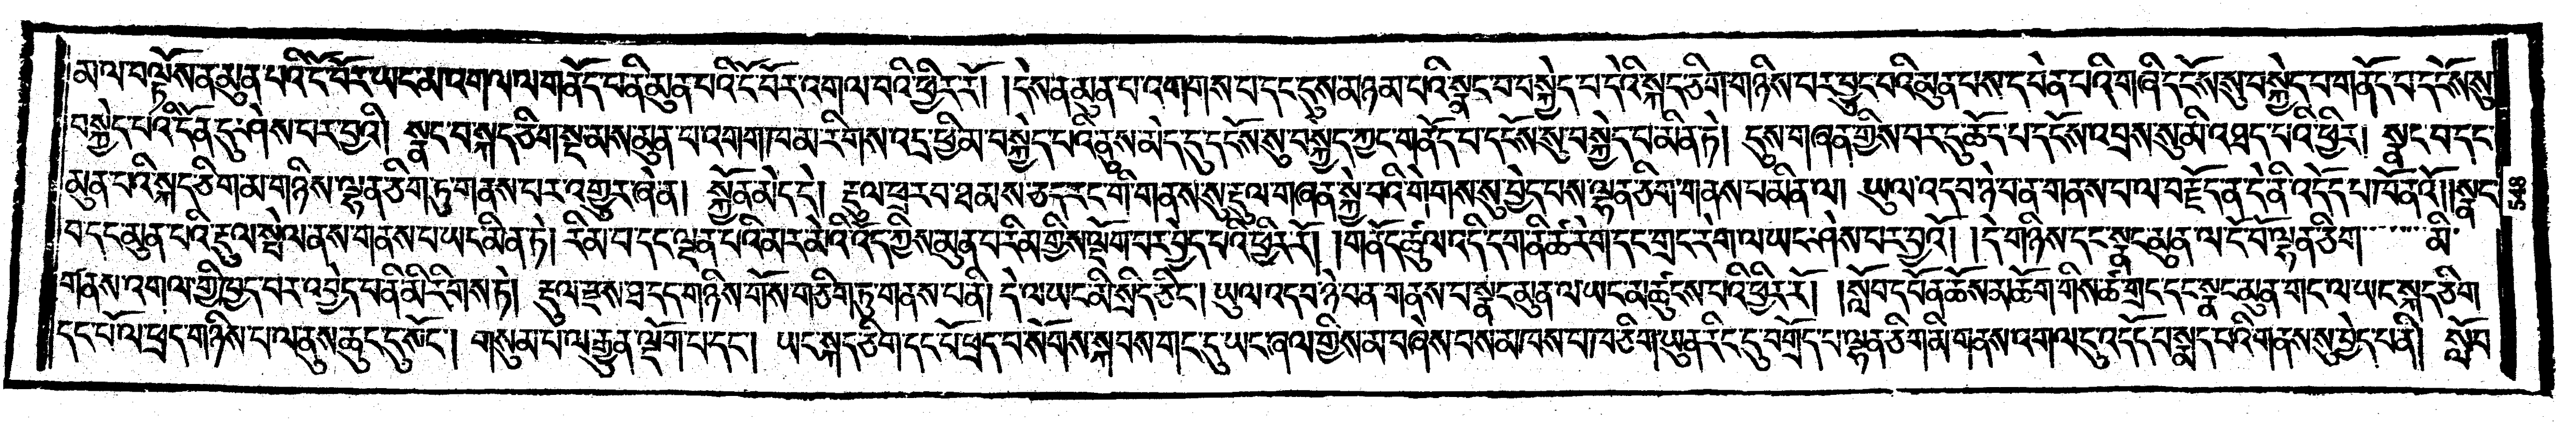མ་ལ་བལྟོས་ན་མུན་པའི་ངོ་བོར་ཡང་མ་འགལ་ལ་གནོད་པ་ནི་མུན་པའི་ངོ་བོར་འགལ་བའི་ཕྱིར་རོ། །དེས་ན་མུན་པ་འགགས་པ་དང་དུས་མཉམ་པའི་སྣང་བ་བསྐྱེད་པ་དེའི་སྐད་ཅིག་གཉིས་པར་བྱུང་བའི་མུན་པས་དབེན་པའི་གཞི་དངོས་སུ་བསྐྱེད་པ་གནོད་པ་དངོས་སུ་
བསྐྱེད་པའི་དོན་དུ་ཤེས་པར་བྱའི། སྣང་བ་སྐད་ཅིག་སྔ་མས་མུན་པ་འགག་ཁ་མ་རིགས་འདྲ་ཕྱི་མ་བསྐྱེད་པའི་ནུས་མེད་དུ་དངོས་སུ་བསྐྱེད་ཀྱང་གནོད་པ་དངོས་སུ་བསྐྱེད་པ་མིན་ཏེ། དུས་གཞན་གྱིས་བར་དུ་ཆོས་པ་དངོས་འབྲས་སུ་མི་འཐད་པའི་ཕྱིར། སྣང་བ་དང་
མུན་པའི་སྐད་ཅིག་མ་གཉིས་ལྷན་ཅིག་ཏུ་གནས་པར་འགྱུར་ཞེ་ན། སྐྱོན་མེད་དེ། རྡུལ་ཕྲ་རབ་ཐམས་ཅད་རང་གི་གནས་སུ་རྡུལ་གཞན་སྐྱེ་བའི་གེགས་སུ་བྱེད་པས་ལྷན་ཅིག་གནས་པ་མིན་ལ། ཡུལ་འདབ་ཉེ་བ་ན་གནས་པ་ལ་བརྗོད་ན་དེ་ནི་འདོད་པ་ཁོ་ནའོ། །སྣང་
བ་དང་མུན་པའི་རྡུལ་སྤེལ་ནས་གནས་པ་ཡང་མིན་ཏེ། རིམ་པ་དང་ལྡན་པའི་མར་མེའི་འོད་ཀྱིས་མུན་པ་རིམ་གྱིས་ལྡོག་པར་བྱེད་པའི་ཕྱིར་རོ། །གནོད་ཚུལ་འདི་དག་ནི་ཚ་རེག་དང་གྲང་རེག་ལ་ཡང་ཤེས་པར་བྱའོ། །དེ་གཉིས་དང་སྣང་མུན་ལ་ངོ་བོ་ལྷན་ཅིག་མི་
གནས་འགལ་གྱི་ཁྱད་པར་འབྱེད་པ་ནི་མི་རིགས་ཏེ། རྡུལ་རྫས་ཐ་དད་གཉིས་གོས་གཅིག་ཏུ་གནས་པ་ནི། དེ་ལ་ཡང་མི་སྲིད་ཅིང་། ཡུལ་འདབ་ཉེ་བ་ན་གནས་པ་སྣང་མུན་ལ་ཡང་མཚུངས་པའི་ཕྱིར་རོ། །སློབ་དཔོན་ཆོས་མཆོག་གིས་ཚ་གྲང་དང་སྣང་མུན་གང་ལ་ཡང་སྐད་ཅིག་
དང་པོ་ལ་ཕྲད་གཉིས་པ་ལ་ནུས་ཆུང་དུ་སོང་། གསུམ་པ་ལ་རྒྱུན་ལྡོག་པ་དང་། ཡང་སྐད་ཅིག་དང་པོ་ཕྲད་པ་སོགས་སྐབས་གང་དུ་ཡང་ཞལ་གྱིས་མ་བཞེས་བས་མཁས་པ་ཁ་ཅིག་ཡུན་རིང་དུ་བགྲོད་པ་ལྷན་ཅིག་མི་གནས་འགལ་དུ་འདོད་པ་སྨད་པའི་གནས་སུ་བྱེད་པ་ནི། སློབ་